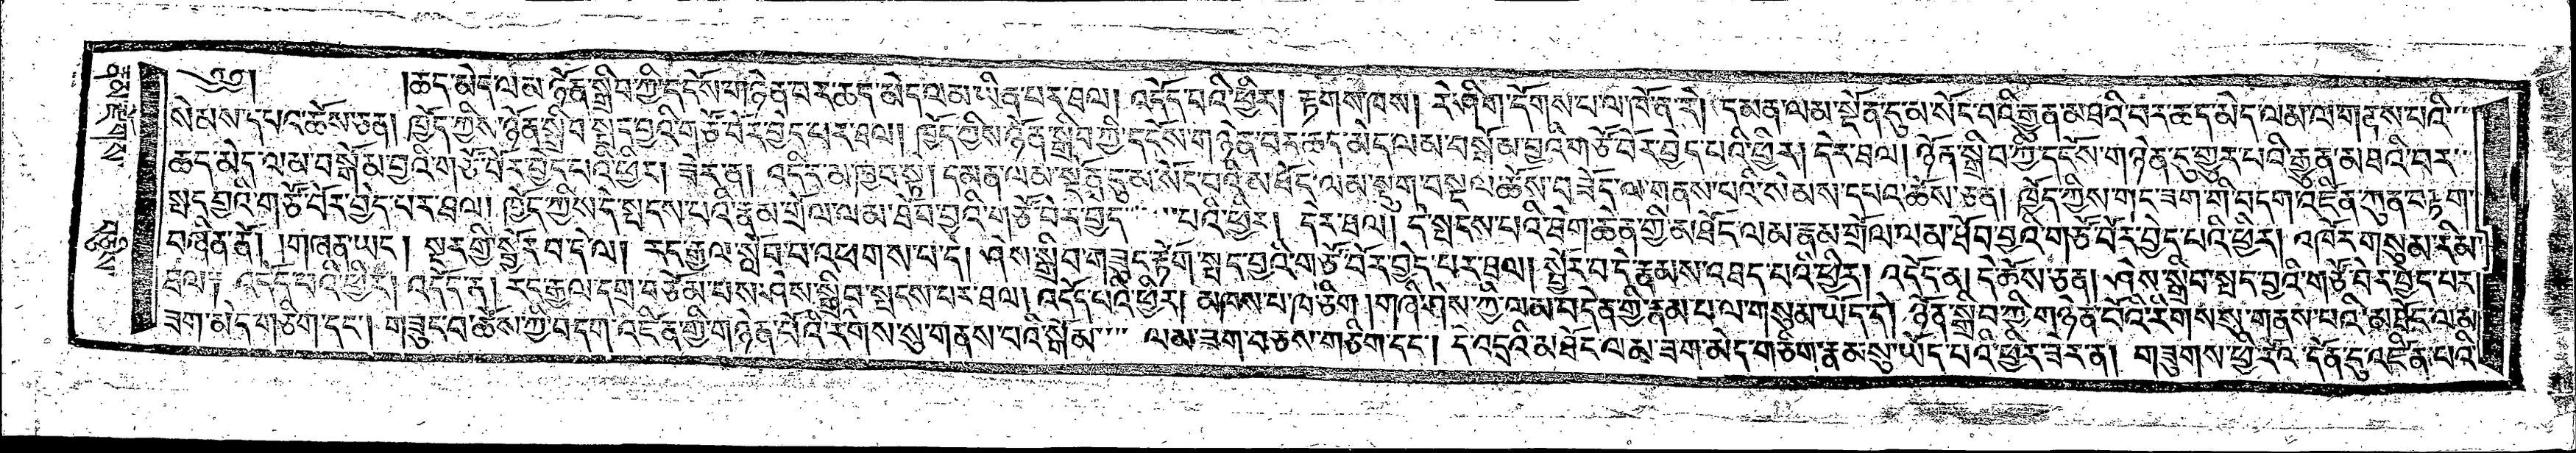༄༅། །ཆད་མེད་ལམ་ཉོན་སྒྲིབ་ཀྱི་དངོས་གཉེན་བར་ཆད་མེད་ལམ་ཡིན་པར་ཐལ། འདོད་པའི་ཕྱིར། རྟགས་ཁས། རེ་ཤིག་དགོས་པ་ལ་ཁོ་ན་རེ། དམན་ལམ་སྔོན་དུ་མ་སོང་བའི་རྒྱུན་མཐའི་བར་ཆད་མེད་ལམ་ལ་གནས་པའི་
སེམས་དཔའ་ཆོས་ཅན། ཁྱོད་ཀྱིས་ཉོན་སྒྲིབ་སྤང་བྱའི་གཙོ་བོར་བྱེད་པར་ཐལ། ཁྱོད་ཀྱིས་ཉོན་སྒྲིབ་ཀྱི་དངོས་གཉེན་བར་ཆད་མེད་ལམ་བསྒོམ་བྱའི་གཙོ་བོར་བྱེད་པའི་ཕྱིར། དེར་ཐལ། ཉོན་སྒྲིབ་ཀྱི་དངོས་གཉེན་དུ་གྱུར་བའི་རྒྱུན་མཐའི་བར་
ཆད་མེད་ལམ་བསྒོམ་བྱའི་གཙོ་བོར་བྱེད་པའི་ཕྱིར། ཟེར་ན། འདིར་མ་ཁྱབ་སྟེ། དམན་ལམ་སྔོན་དུ་མ་སོང་བའི་མཐོང་ལམ་སྡུག་བསྔལ་ཆོས་བཟོད་ལ་གནས་པའི་སེམས་དཔའ་ཆོས་ཅན། ཁྱོད་ཀྱིས་གང་ཟག་གི་བདག་འཛིན་ཀུན་བརྟགས་
སྤང་བྱའི་གཙོ་བོར་བྱེད་པར་ཐལ། ཁྱོད་ཀྱིས་དེ་སྤངས་པའི་རྣམ་གྲོལ་ལམ་ཐོབ་བྱའི་གཙོ་བོར་བྱེད་པའི་ཕྱིར། དེར་ཐལ། དེ་སྤངས་པའི་ཐེག་ཆེན་གྱི་མཐོང་ལམ་རྣམ་གྲོལ་ལམ་ཐོབ་བྱའི་གཙོ་བོར་བྱེད་པའི་ཕྱིར། འཁོར་གསུམ་རིམ་
བཞིན་ནོ། །གཞན་ཡང་། སྔར་གྱི་སྦྱོར་བ་དེ་ལ། རང་རྒྱལ་སློབ་བ་འཕགས་པ་དེས། ཤེས་སྒྲིབ་གཟུང་རྟོག་སྤང་བྱའི་གཙོ་བོར་བྱེད་པར་ཐལ། སྦྱོར་བ་དེ་རྣམས་འཐད་པའི་ཕྱིར། འདོད་ན། དེ་ཆོས་ཅན། ཤེས་སྒྲིབ་སྤང་བྱའི་གཙོ་བོར་བྱེད་པར་
ཐལ༑ འདོད་པའི་ཕྱིར། འདོད་ན། རང་རྒྱལ་དགྲ་བཅོམ་པས་ཤེས་སྒྲིབ་སྤངས་པར་ཐལ། འདོད་པའི་ཕྱིར། མཁས་པ་ཁ་ཅིག །གཞི་ཤེས་ཀྱི་ལམ་བདེན་གྱི་རྣམ་པ་ལ་གསུམ་ཡོད་དེ། ཉོན་སྒྲིབ་ཀྱི་གཉེན་པོའི་རིགས་སུ་གནས་པའི་མཐོང་ལམ་
ཟག་མེད་གཅིག་དང་། གཟུང་བ་ཆོས་ཀྱི་བདག་འཛིན་གྱི་གཉེན་པོའི་རིགས་སུ་གནས་པའི་སྒོམ་ལམ་ཟག་བཅས་གཅིག་དང་། དེ་འདྲའི་མཐོང་ལམ་ཟག་མེད་གཅིག་རྣམས་སུ་ཡོད་པའི་ཕྱིར་ཟེར་ན། གཟུགས་ཕྱི་རོལ་དོན་དུ་འཛིན་པའི་